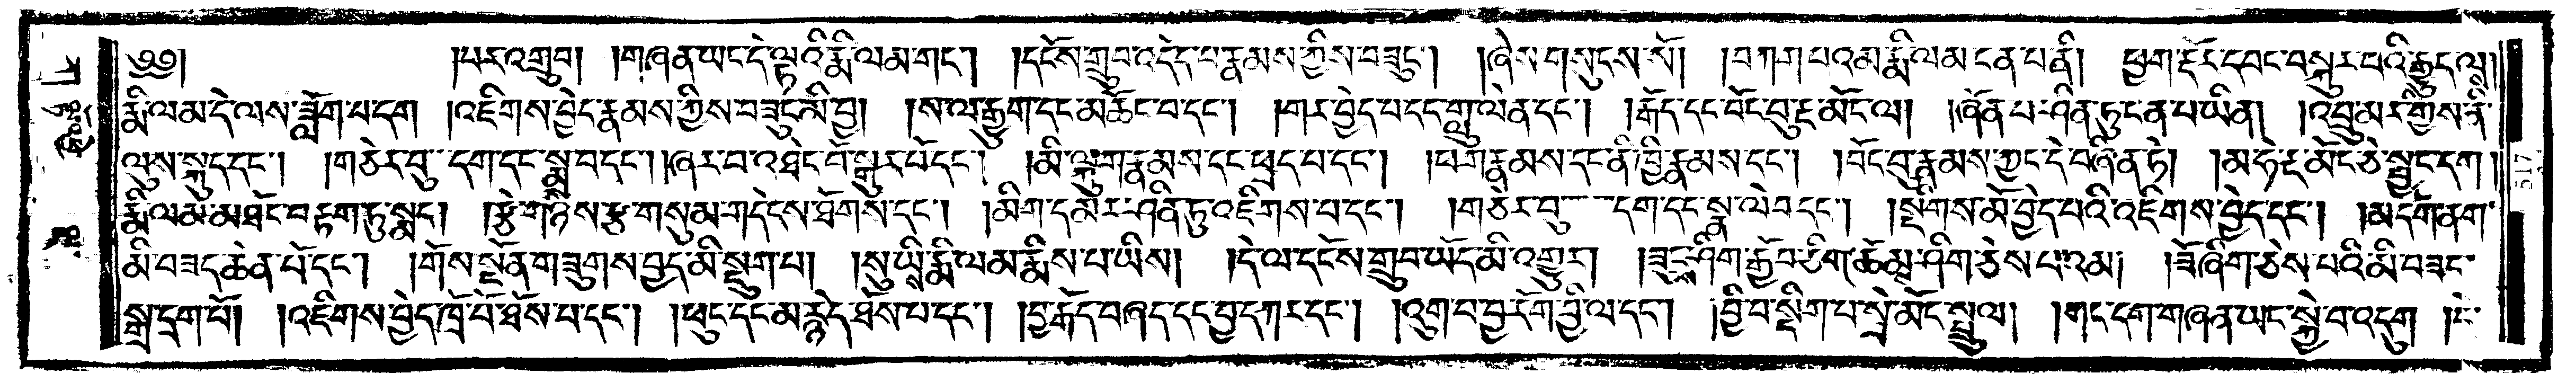༄༅། །པར་འགྲུབ། །གཞན་ཡང་དེ་ལྟའི་རྨི་ལམ་གང་། །དངོས་གྲུབ་འདེད་པ་རྣམས་ཀྱིས་བཟུང་། །ཞེས་གསུངས་སོ། །བཀག་བའམ་རྨི་ལམ་ངན་པ་ནི། ཕྱག་རྡོར་དབང་བསྐུར་བའི་རྒྱུད་ལས། །
རྨི་ལམ་དེ་ལས་ཟློག་པ་དག །འཇིགས་བྱེད་རྣམས་ཀྱིས་བཟུང་མི་བྱ། །ས་ལ་རྒྱུག་དང་མཆོང་པ་དང་། །གར་བྱེད་པ་དང་གླུ་ལེན་དང་། །རྒོད་དང་བོང་བུ་རྔ་མོང་ལ། །ཞོན་པ་ཤིན་ཏུང་ན་པ་ཡིན། །འབྲུ་མར་གྱིས་ནི་
ལུས་སྐུད་དང་། །གཅེར་བུ་དག་དང་སྨྲ་བ་དང་། །ཞར་བ་འཐེང་བོ་སྒུར་པོ་དང་། །མི་ལྐུག་རྣམས་དང་ཕྲད་པ་དང་། །ཕག་རྣམས་དང་ནི་ཁྱི་རྣམས་དང་། །བོད་བུ་རྣམས་ཀྱང་དེ་བཞིན་ཏེ། །མ་ཧེ་རྔ་མོང་ཅེས་སྦྱང་དག །
རྨི་ལམ་མཐོང་བརྟག་ཏུ་སྨད། །རྩེ་གཉིས་རྩ་གསུམ་གདེངས་ཐོགས་དང་། །མིག་དམར་ཤིན་ཏུ་འཇིགས་པ་དང་། །གཅེར་བུ་དག་དང་སྣ་ལེབ་དང་། །སྡིགས་མོ་བྱེད་པའི་འཇིགས་བྱེད་དང་། མདོག་ནག་
མི་བཟད་ཆེན་པོ་དང་། །གོས་སྔོན་གཟུགས་བྱད་མི་སྡུག་པ། །སུ་ཡིས་རྨི་ལམ་རྨིས་པ་ཡིས། །དེ་ལ་དངོས་གྲུབ་ཡོད་མི་འགྱུར། ཟུངས་ཤིག་རྒྱོབ་ཅིག་ཆོམས་ཤིག་ཅེས་པའམ། །ཟོ་ཞིག་ཅེས་པའི་མི་བཟང་
སྒྲ་དྲག་པོ། །འཇིགས་བྱེད་ཁྲོ་བོ་ཐོས་པ་དང་། །ཕུང་དང་མ་རྙེད་ཐོས་པ་དང་། །བྱ་རྒོད་བཞད་དང་བྱ་དཀར་དང་། །འུག་པ་བྱ་རོག་བྱི་ལ་དང་། །བྱི་བ་སྡིག་པ་སྲེ་མོང་སྤྲུལ། །གང་དག་གཞན་ཡང་སྐྱེ་བ་འདུག །ངེ་